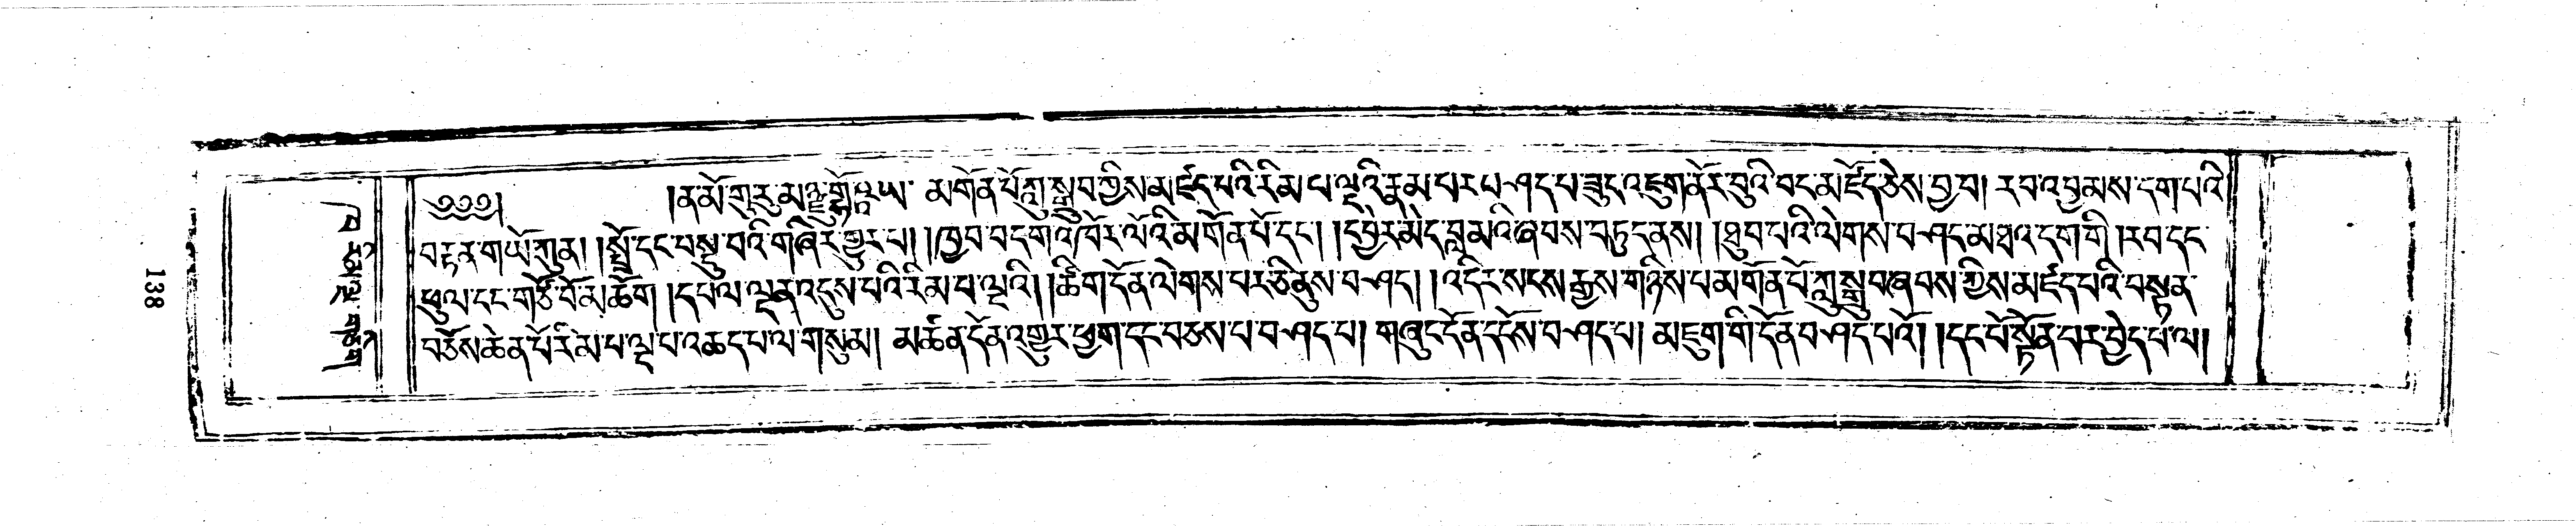༄༅༅། །ན་མོ་གུ་རུ་མཉྫུ་གྷོ་ཥཱ་ཡ། མགོན་པོ་ཀླུ་སྒྲུབ་ཀྱིས་མཛད་པའི་རིམ་པ་ལྔའི་རྣམ་པར་བཤད་པ་ཟུང་འཇུག་ནོར་བུའི་བང་མཛོད་ཅེས་བྱ་བ། རབ་འབྱམས་དག་པའི་
བརྟན་གཡོ་ཀུན། །སྤྲོ་དང་བསྡུ་བའི་གཞིར་གྱུར་པ། །ཁྱབ་བདག་འཁོར་ལོའི་མགོན་པོ་དང་། །དབྱེར་མེད་བླ་མའི་ཞབས་བཏུད་ནས། །ཐུབ་པའི་ལེགས་བཤད་མཐའ་དག་གི །རབ་དང་
ཕུལ་དང་གཙོ་བོ་མཆོག །དཔལ་ལྡན་འདུས་པའི་རིམ་པ་ལྔའི། །ཚིག་དོན་ལེགས་པར་ཅི་ནུས་བཤད། །འདིར་སངས་རྒྱས་གཉིས་པ་མགོན་པོ་ཀླུ་སྒྲུབ་ཞབས་ཀྱིས་མཛད་པའི་བསྟན་
བཅོས་ཆེན་པོ་རིམ་པ་ལྔ་པ་འཆད་པ་ལ་གསུམ། མཚན་དོན་འགྱུར་ཕྱག་དང་བཅས་པ་བཤད་པ། གཞུང་དོན་དངོས་བཤད་པ། མཇུག་གི་དོན་བཤད་པའོ། །དང་པོ་སྟོན་པར་བྱེད་པ་ལ།